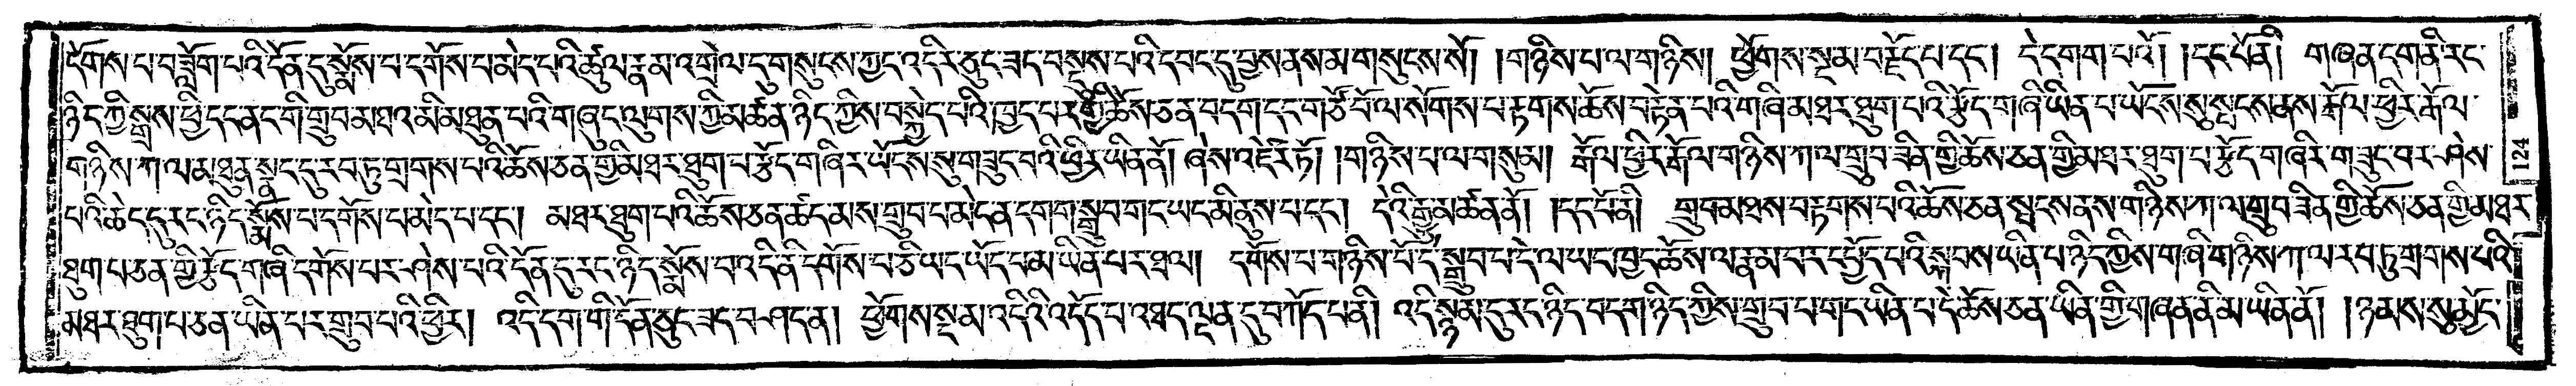དོགས་པ་བཟློག་པའི་དོན་དུ་སྨོས་པ་དགོས་པ་མེད་པའི་ཚུལ་རྣམ་འགྲེལ་དུ་གསུངས་ཀྱང་འདིར་ཅུང་ཟད་བསྡུས་པའི་དབང་དུ་བྱས་ནས་མ་གསུངས་སོ། །གཉིས་པ་ལ་གཉིས། ཕྱོགས་སྔ་མ་བརྗོད་པ་དང་། དེ་དགག་པའོ། །དང་པོ་ནི། གཞན་དག་ནི་རང་
ཉིད་ཀྱི་སྒྲས་ཕྱི་དང་ནང་གི་གྲུབ་མཐའ་མི་མཐུན་པའི་གཞུང་ལུགས་ཀྱི་མཚན་ཉིད་ཀྱིས་བསྐྱེད་པའི་ཁྱད་པར་གྱི་ཆོས་ཅན་བདག་དང་གཙོ་བོ་ལ་སོགས་པ་རྟགས་ཆོས་བརྟེན་པའི་གཞི་མཐར་ཐུག་པའི་རྩོད་གཞི་ཡིན་པ་ཡོངས་སུ་སྤངས་ནས་རྒོལ་ཕྱིར་རྒོལ་
གཉིས་ཀ་ལ་མཐུན་སྣང་དུ་རབ་ཏུ་གྲགས་པའི་ཆོས་ཅན་གྱི་མཐར་ཐུག་པ་རྩོད་གཞིར་ཡོངས་སུ་གཟུང་བའི་ཕྱིར་ཡིན་ནོ། །ཞེས་འཛེར་ཏོ། །གཉིས་པ་ལ་གསུམ། རྒོལ་ཕྱིར་རྒོལ་གཉིས་ཀ་ལ་གྲུབ་ཟིན་གྱི་ཆོས་ཅན་གྱི་མཐར་ཐུག་བ་རྩོད་གཞིར་གཟུང་བར་ཤེས་
པའི་ཆེད་དུ་རང་ཉིད་སྨོས་པ་དགོས་པ་མེད་པ་དང་། མཐར་ཐུག་པའི་ཆོས་ཅན་ཚད་མས་གྲུབ་པ་མེད་ན་དགག་སྒྲུབ་གང་ཡང་མི་ནུས་པ་དང་། དེའི་རྒྱུ་མཚན་ནོ། །དང་པོ་ནི། གྲུབ་མཐས་བརྟགས་པའི་ཆོས་ཅན་སྤངས་ནས་གཉིས་ཀ་ལ་གྲུབ་ཟིན་གྱི་ཆོས་ཅན་གྱི་མཐར་
ཐུག་པ་ཅན་གྱི་རྩོད་གཞི་དགོས་པར་ཤེས་པའི་དོན་དུ་རང་ཉིད་སྨོས་པ་འདི་ནི་དགོས་པ་ཅི་ཡང་ཡོད་པ་མ་ཡིན་པར་ཐལ། དགོས་པ་གཉིས་པོ་ད་སྒྲུབ་པ་དེ་ལ་ཡང་ཁྱད་ཆོས་ལ་རྣམ་པར་དཔྱོད་པའི་སྐབས་ཡིན་པ་ཉིད་ཀྱིས་གཞི་གཉིས་ཀ་ལ་རབ་ཏུ་གྲགས་པའི་
མཐར་ཐུག་པ་ཅན་ཡིན་པར་གྲུབ་པའི་ཕྱིར། འདི་དག་གི་དོན་ཅུང་ཟད་བཤད་ན། ཕྱོགས་སྔ་མ་འདིའི་འདོད་པ་འཐད་ལྡན་དུ་བཀོད་པ་ནི། འདི་སྙམ་དུ་རང་ཉིད་བདག་ཉིད་ཀྱིས་གྲུབ་པ་གང་ཡིན་པ་དེ་ཆོས་ཅན་ཡིན་གྱི་གཞན་ནི་མ་ཡིན་ནོ། །ཉམས་སུ་མྱོང་